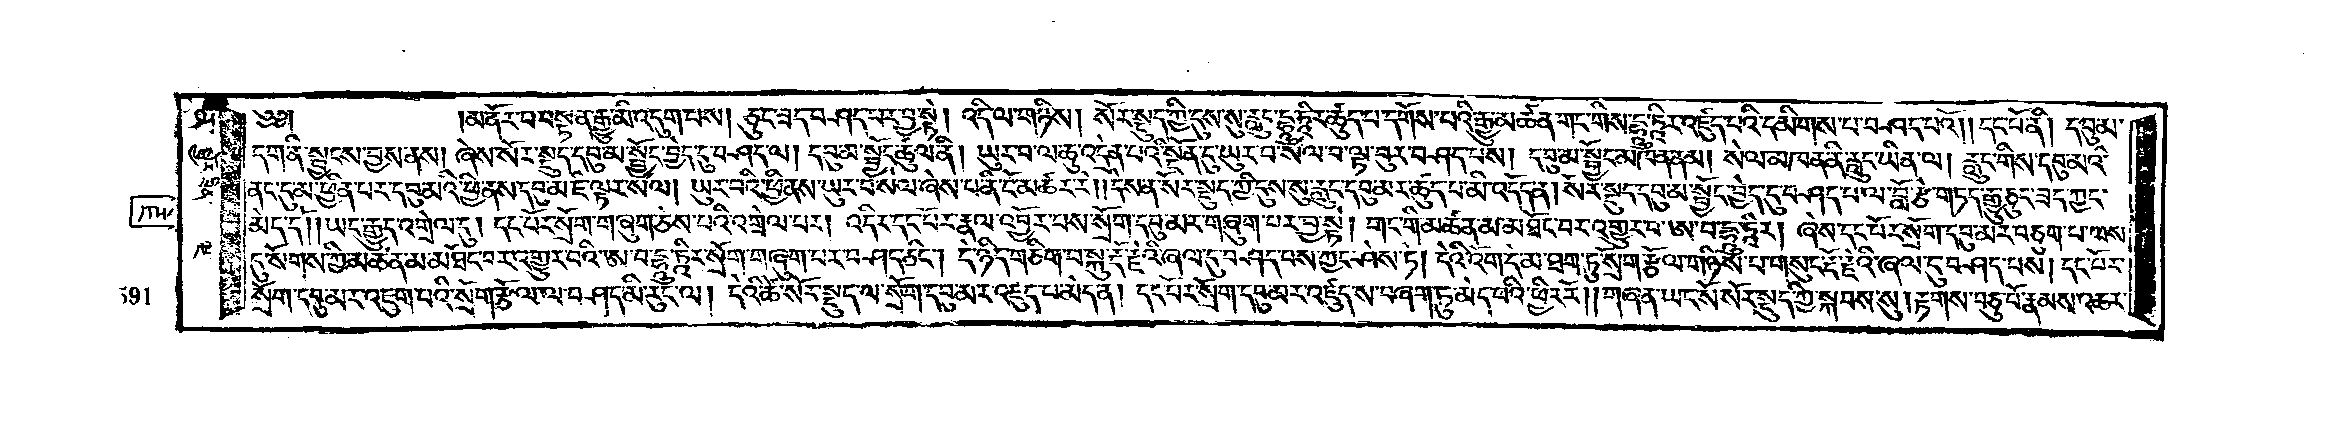༄༅། །མ་ནོར་བ་བསྟན་རྒྱུ་མི་འདུག་པས། ཅུང་ཟད་བཤད་པར་བྱ་སྟེ། འདི་ལ་གཉིས། སོར་སྡུད་ཀྱི་དུས་སུ་རླུང་དྷཱུ་ཏཱིར་ཚུད་པ་དགོས་པའི་རྒྱུ་མཚན་གང་གིས་དྷཱུ་ཏཱིར་འཛུད་པའི་དམིགས་པ་བཤད་པའོ། །དང་པོ་ནི། དབུ་མ་
དག་ནི་སྦྱངས་བྱས་ནས། ཞེས་སོར་སྡུད་དབུ་མ་སྦྱོང་བྱེད་དུ་བཤད་ལ། དབུ་མ་སྦྱོང་ཚུལ་ནི། ཡུར་བ་ལ་ཆུ་འདྲེན་པའི་སྔོན་དུ་ཡུར་བ་སིལ་བ་ལྟ་བུར་བཤད་པས། དབུ་མ་སྦྱོང་མཁན་ནམ། སེལ་མཁན་ནི་རླུང་ཡིན་ལ། རླུང་གིས་དབུ་མའི་
ནང་དུ་མ་ཕྱིན་པར་དབུ་མའི་ཕྱི་ནས་དབུ་མ་ཇི་ལྟར་སེལ། ཡུར་བའི་ཕྱི་ནས་ཡུར་བ་སེལ་ཞེས་པ་ནི་ངོ་མཚར་རོ། །དེས་ན་སོར་སྡུད་ཀྱི་དུས་སུ་རླུང་དབུ་མར་ཚུད་པ་མི་འདོད་ན། སོར་སྡུད་དབུ་མ་སྦྱོང་བྱེད་དུ་བཤད་པ་ལ་བློ་རྩེ་གཏད་རྒྱུ་ཅུང་ཟད་ཀྱང་
མེད་དོ། །ཡང་རྒྱུད་འགྲེལ་དུ། དང་པོར་སྲོག་གཞུག་ཅེས་པའི་འགྲེལ་པར། འདིར་དང་པོར་རྣལ་འབྱོར་པས་སྲོག་དབུ་མར་གཞུག་པར་བྱ་སྟེ། གང་གི་མཚན་མ་མཐོང་བར་འགྱུར་བ་ཨ་བ་དྷཱུ་ཏཱིར། ཞེས་དང་པོར་སྲོག་དབུ་མར་བཅུག་པ་ལས་
དུ་སོགས་ཀྱི་མཚན་མ་མཐོང་བར་འགྱུར་བའི་ཨ་བ་དྷཱུ་ཏཱིར་སྲོག་གཞུག་པར་བཤད་ཅིང་། དེ་ཉིད་གཅིག་པ་སྐུ་རྡོ་རྗེའི་ཞལ་དུ་བཤད་པས་ཀྱང་ཤེས་ཏེ། དེའི་འོག་དེ་མ་ཐག་ཏུ་སྲོག་རྩོལ་གཉིས་པ་གསུང་རྡོ་རྗེའི་ཞལ་དུ་བཤད་པས། དང་པོར་
སྲོག་དབུ་མར་འཇུག་པའི་སྲོག་རྩོལ་ལ་བཤད་མི་རུང་ལ། དེའི་ཚེ་སོར་སྡུད་ལ་སྲོག་དབུ་མར་འཛུད་པ་མེད་ན། དང་པོར་སྲོག་དབུ་མར་འཛུད་ས་བཞག་ཏུ་མེད་པའི་ཕྱིར་རོ། །གཞན་ཡང་སོ་སེར་སྡུད་ཀྱི་སྐབས་སུ། རྟགས་བཅུ་པོ་རྣམས་འཆར་